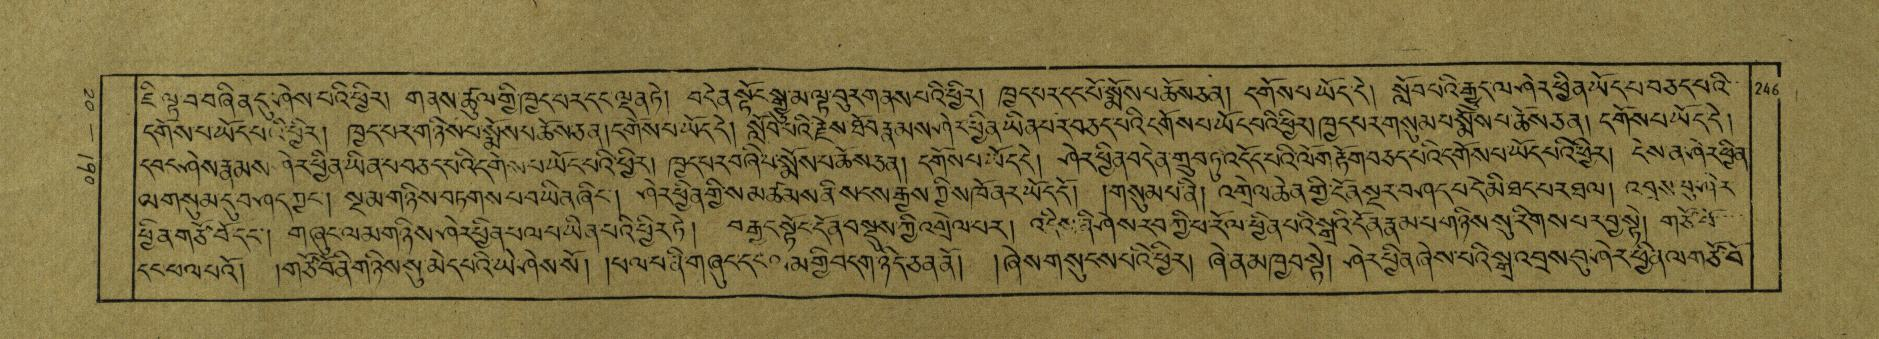ཇི་ལྟ་བ་བཞིན་དུ་ཤེས་པའི་ཕྱིར། གནས་ཚུལ་གྱི་ཁྱད་པར་དང་ལྡན་ཏེ། བདེན་སྟོང་སྒྱུ་མ་ལྟ་བུར་གནས་པའི་ཕྱིར། ཁྱད་པར་དང་པོ་སྨོས་པ་ཆོས་ཅན། དགོས་པ་ཡོད་དེ། སློབ་པའི་རྒྱུད་ལ་ཤེར་ཕྱིན་ཡོད་པ་བཅད་པའི་
དགོས་པ་ཡོད་པའི་ཕྱིར། ཁྱད་པར་གཉིས་པ་སྨོས་པ་ཆོས་ཅན། དགོས་པ་ཡོད་དེ། སློབ་པའི་རྗེས་ཐོབ་རྣམས་ཤེར་ཕྱིན་ཡིན་པར་བཅད་པའི་དགོས་པ་ཡོད་པའི་ཕྱིར། ཁྱད་པར་གསུམ་པ་སྨོས་པ་ཆོས་ཅན། དགོས་པ་ཡོད་དེ།
དབང་ཤེས་རྣམས་ཤེར་ཕྱིན་ཡིན་པ་བཅད་པའི་དགོས་པ་ཡོད་པའི་ཕྱིར། ཁྱད་པར་བཞི་པ་སྨོས་པ་ཆོས་ཅན། དགོས་པ་ཡོད་དེ། ཤེར་ཕྱིན་བདེན་གྲུབ་ཏུ་འདོད་པའི་ལོག་རྟོག་བཅད་པའི་དགོས་པ་ཡོད་པའི་ཕྱིར། ངེས་ན་ཤེར་ཕྱིན་
ལ་གསུམ་དུ་བཤད་ཀྱང་། སྔ་མ་གཉིས་བཏགས་པ་བ་ཡིན་ཞིང་། ཤེར་ཕྱིན་གྱིས་མཚམས་ནི་སངས་རྒྱས་ཀྱི་ས་ཁོ་ནར་ཡོད་དོ། །གསུམ་པ་ནི། འགྲེལ་ཆེན་གྱི་དོན་སྔར་བཤད་པ་དེ་མི་ཐང་པར་ཐལ། འབྲས་བུ་ཤེར་
ཕྱིན་གཙོ་བོ་དང་། གཞུང་ལམ་གཉིས་ཤེར་ཕྱིན་ཕལ་པ་ཡིན་པའི་ཕྱིར་ཏེ། བརྒྱང་སྟོང་དོན་བསྡུས་ཀྱི་འགྲེལ་བར། འདིས་ནི་ཤེས་རབ་ཀྱི་ཕ་རོལ་ཕྱིན་པའི་སྒྲའི་དོན་རྣམ་པ་གཉིས་སུ་རིགས་པར་བྱ་སྟེ། གཙོ་བོ་
དང་ཕལ་པའོ། །གཙོ་བོ་ནི་གཉིས་སུ་མེད་པའི་ཡེ་ཤེས་སོ། །ཕལ་པ་ནི་གཞུང་དང་ལམ་གྱི་བདག་ཉིད་ཅན་ནོ། །ཞེས་གསུངས་པའི་ཕྱིར། ཞེ་ན་མ་ཁྱབ་སྟེ། ཤེར་ཕྱིན་ཞེས་པའི་སྒྲ་འབྲས་བུ་ཤེར་ཕྱིན་ལ་གཙོ་བོ་